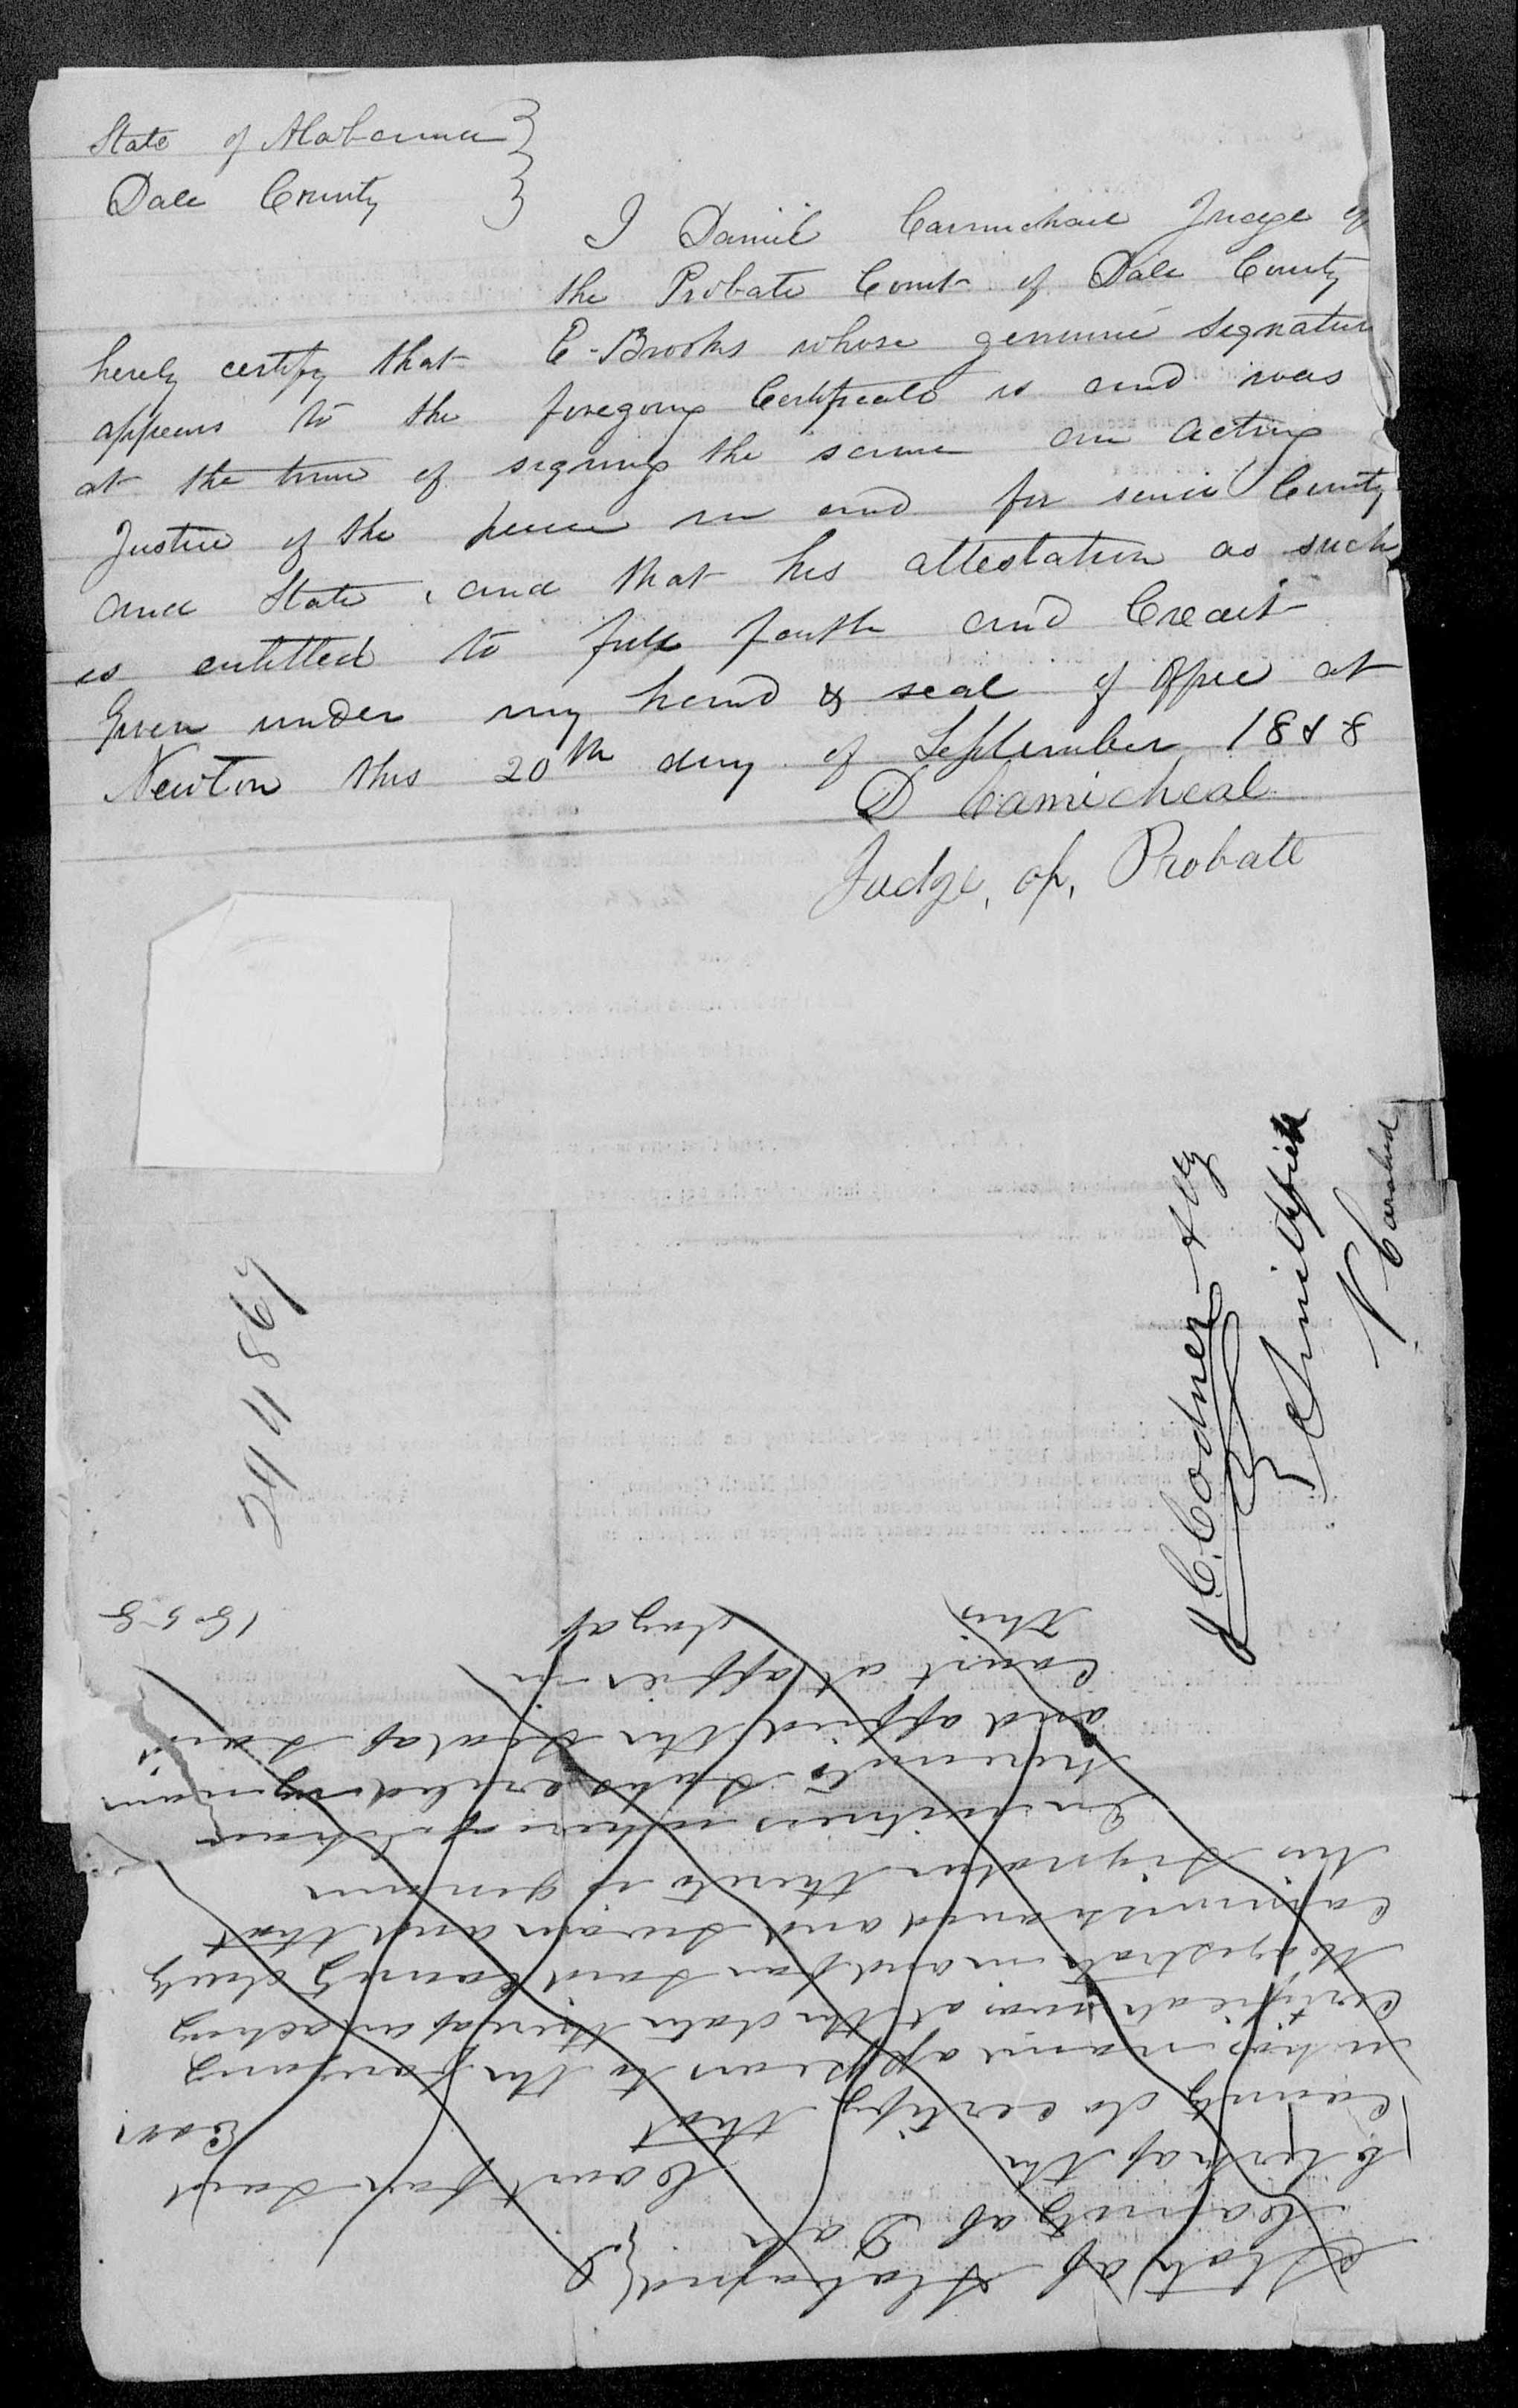State of Alabama 
Dale County }
I Daniel Carmicheal Judge of the Probate Court of Dale County hereby certify that E Brooks whose genuine signature appears in the foregoing certificate is and was at the time of signing the same an acting Justice of the Peace in and for said County and state. and that his attestation as such is entitled to full faith and credit- given under my hand and seal of office at Newton this 20th day of September 1858  D. Carmicheal  Judge of Probate

244869

J. C. Codner Atty
Smithfield 
NCarolina

[remainder upside down writing crossed out]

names: J C Codner, D Camicheal, Daniel Carmichael, E Brooks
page: 21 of 86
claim: widow's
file: W. 6899, James Carrell, N.C.